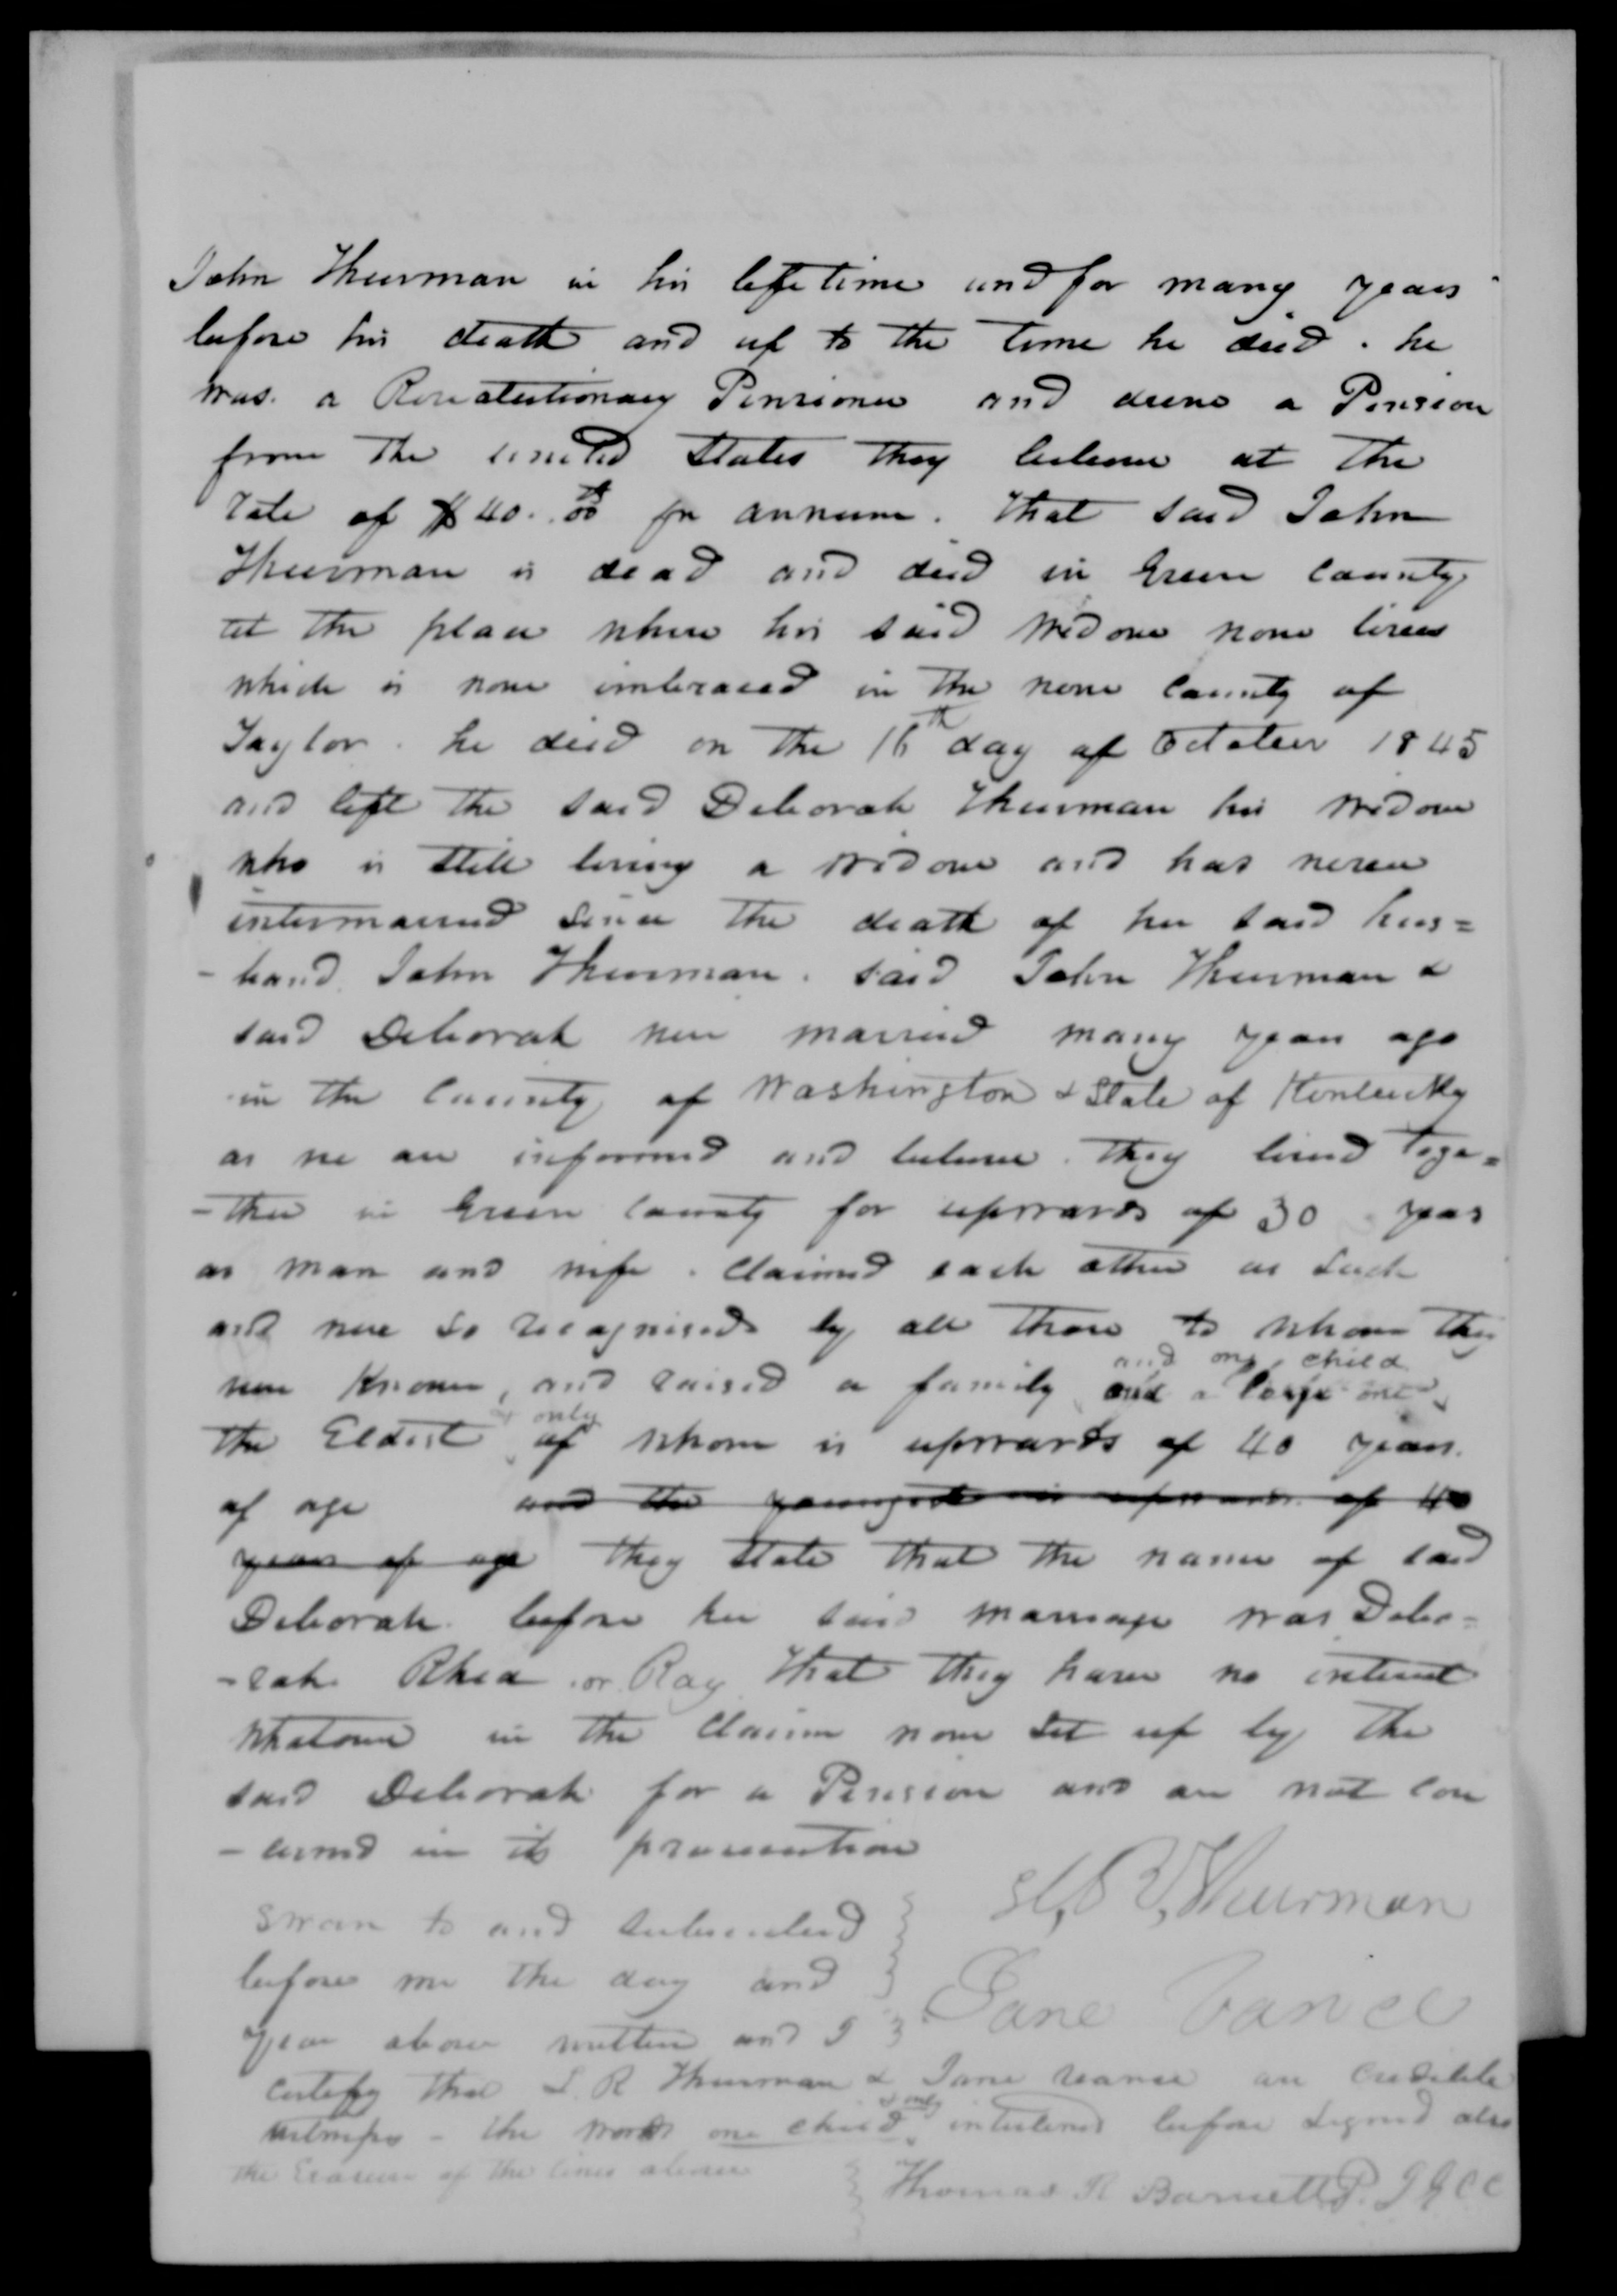John Thurman in his lifetime and for many years before his death and up to the time he died he was a Revolutionary Pensioner and drew a Pension from the United States they believe at the rate of $40,00 per annum. That said John Thurman is dead and died in Green County at the place where his said widow now lives  which is now imbraced in the now County of Taylor he died on the 16th day of October 1845 and left the said Deborah Thurman his widow who is still living a widow and has never intermarried since the death of her said husband John Thurman. Said John Thurman  & said Deborah were married many years ago in the County of Washington & State of Kentucky as we are informed and believe. They lived together in Green County for upwards of 30 years as man and wife. Claimed each other as such and were so recognized by all those to whom they were known and raised a family and one child the eldest & only of whom is upwards of 40 years of age [and the youngest is upwards of 40 years of age][crossed out] They state that the name of said Deborah before her said marriage was Deborah Rhea or Ray That they have no interest whatever in the claim now set up by the said Deborah for a Pension and are not concerned in its prosecution. 
L. R. Thurman  Jane Vance 
Sworn to and subscribed before me the day and year above written and I certify that L. R. Thurman  & Jane Vance are credible witnesses the words one child & only interlined before signed also the erasure of the lines above. Thomas R . Barnett  P.J. & C.C.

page: 16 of 53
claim: widow's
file: W. 6,267, for John Thurman, Georgia